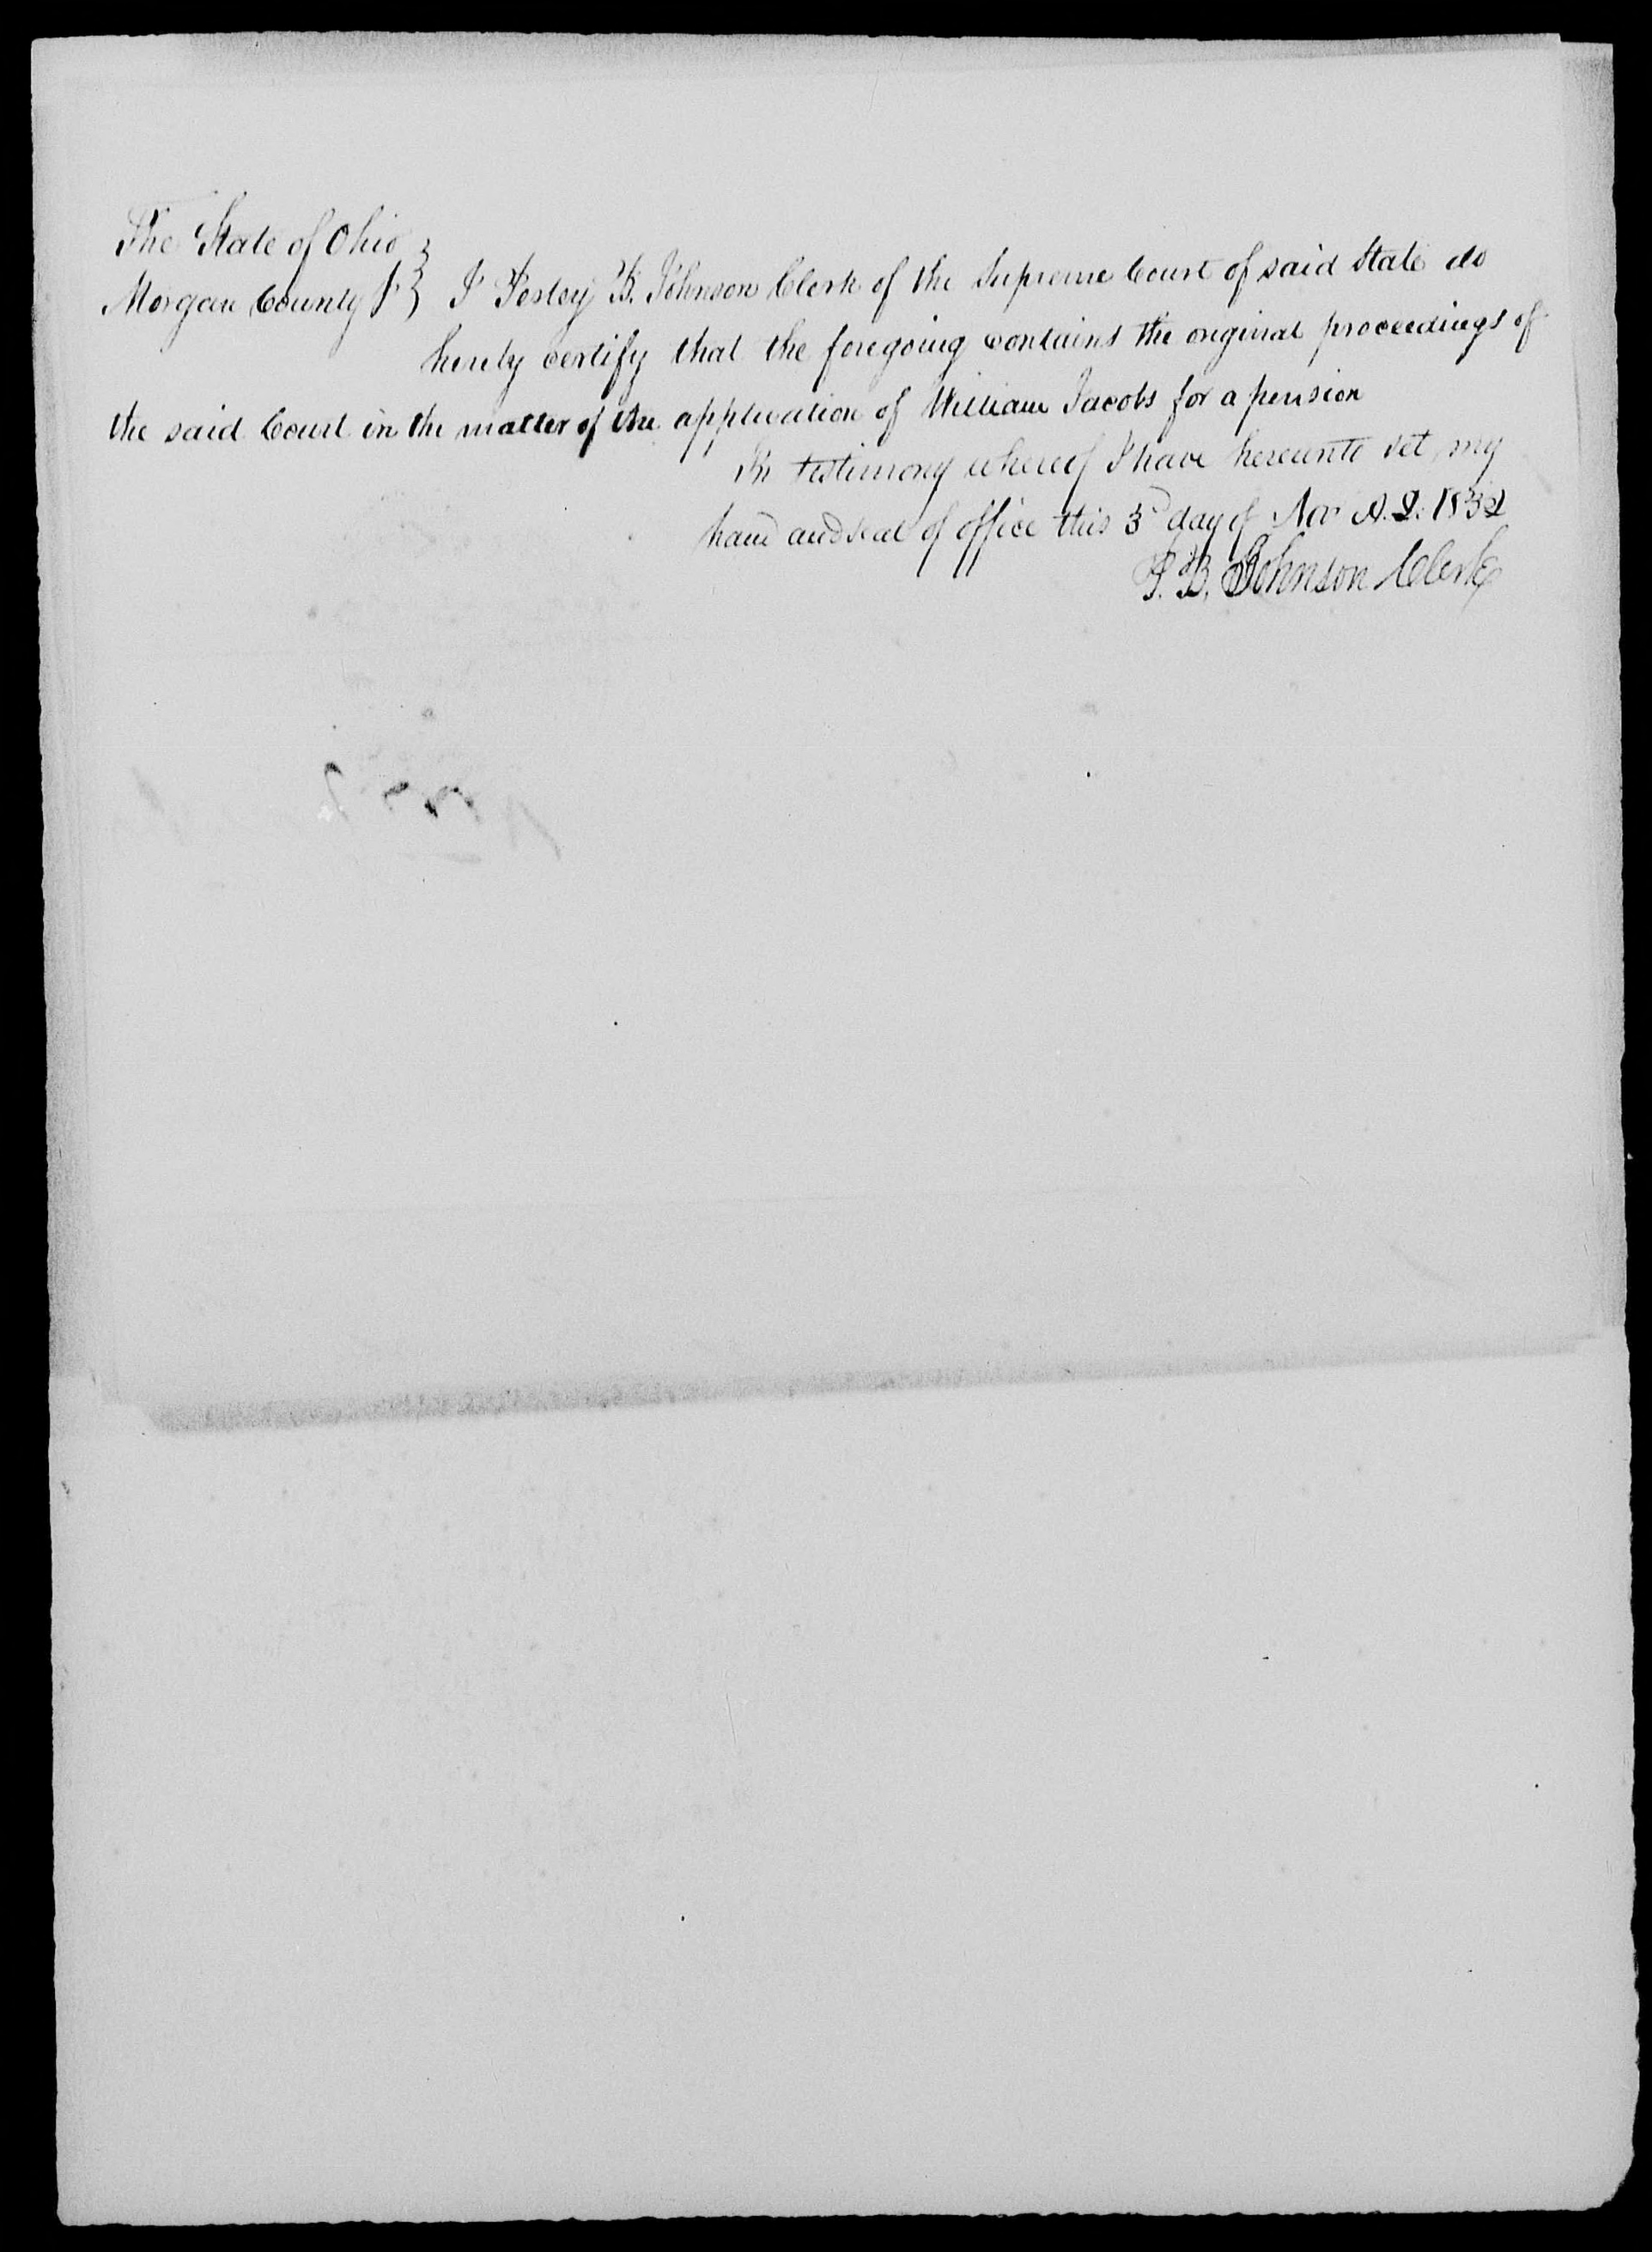The State of Ohio 
Morgan County ss}
I Pesley[?] B. Johnson Clerk of the Supreme Court of said State do hereby certify that the foregoing contains the original proceedings of the said Court in the matter of the application of William Jacobs for a pension 
In testimony whereof I have hereunto set my hand and seal of office this 3d day of Nov A.D. 1832 
P. B. Johnson Clerk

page: 11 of 23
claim: survivor's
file: S. 2289, for William Jacobs, Maryland